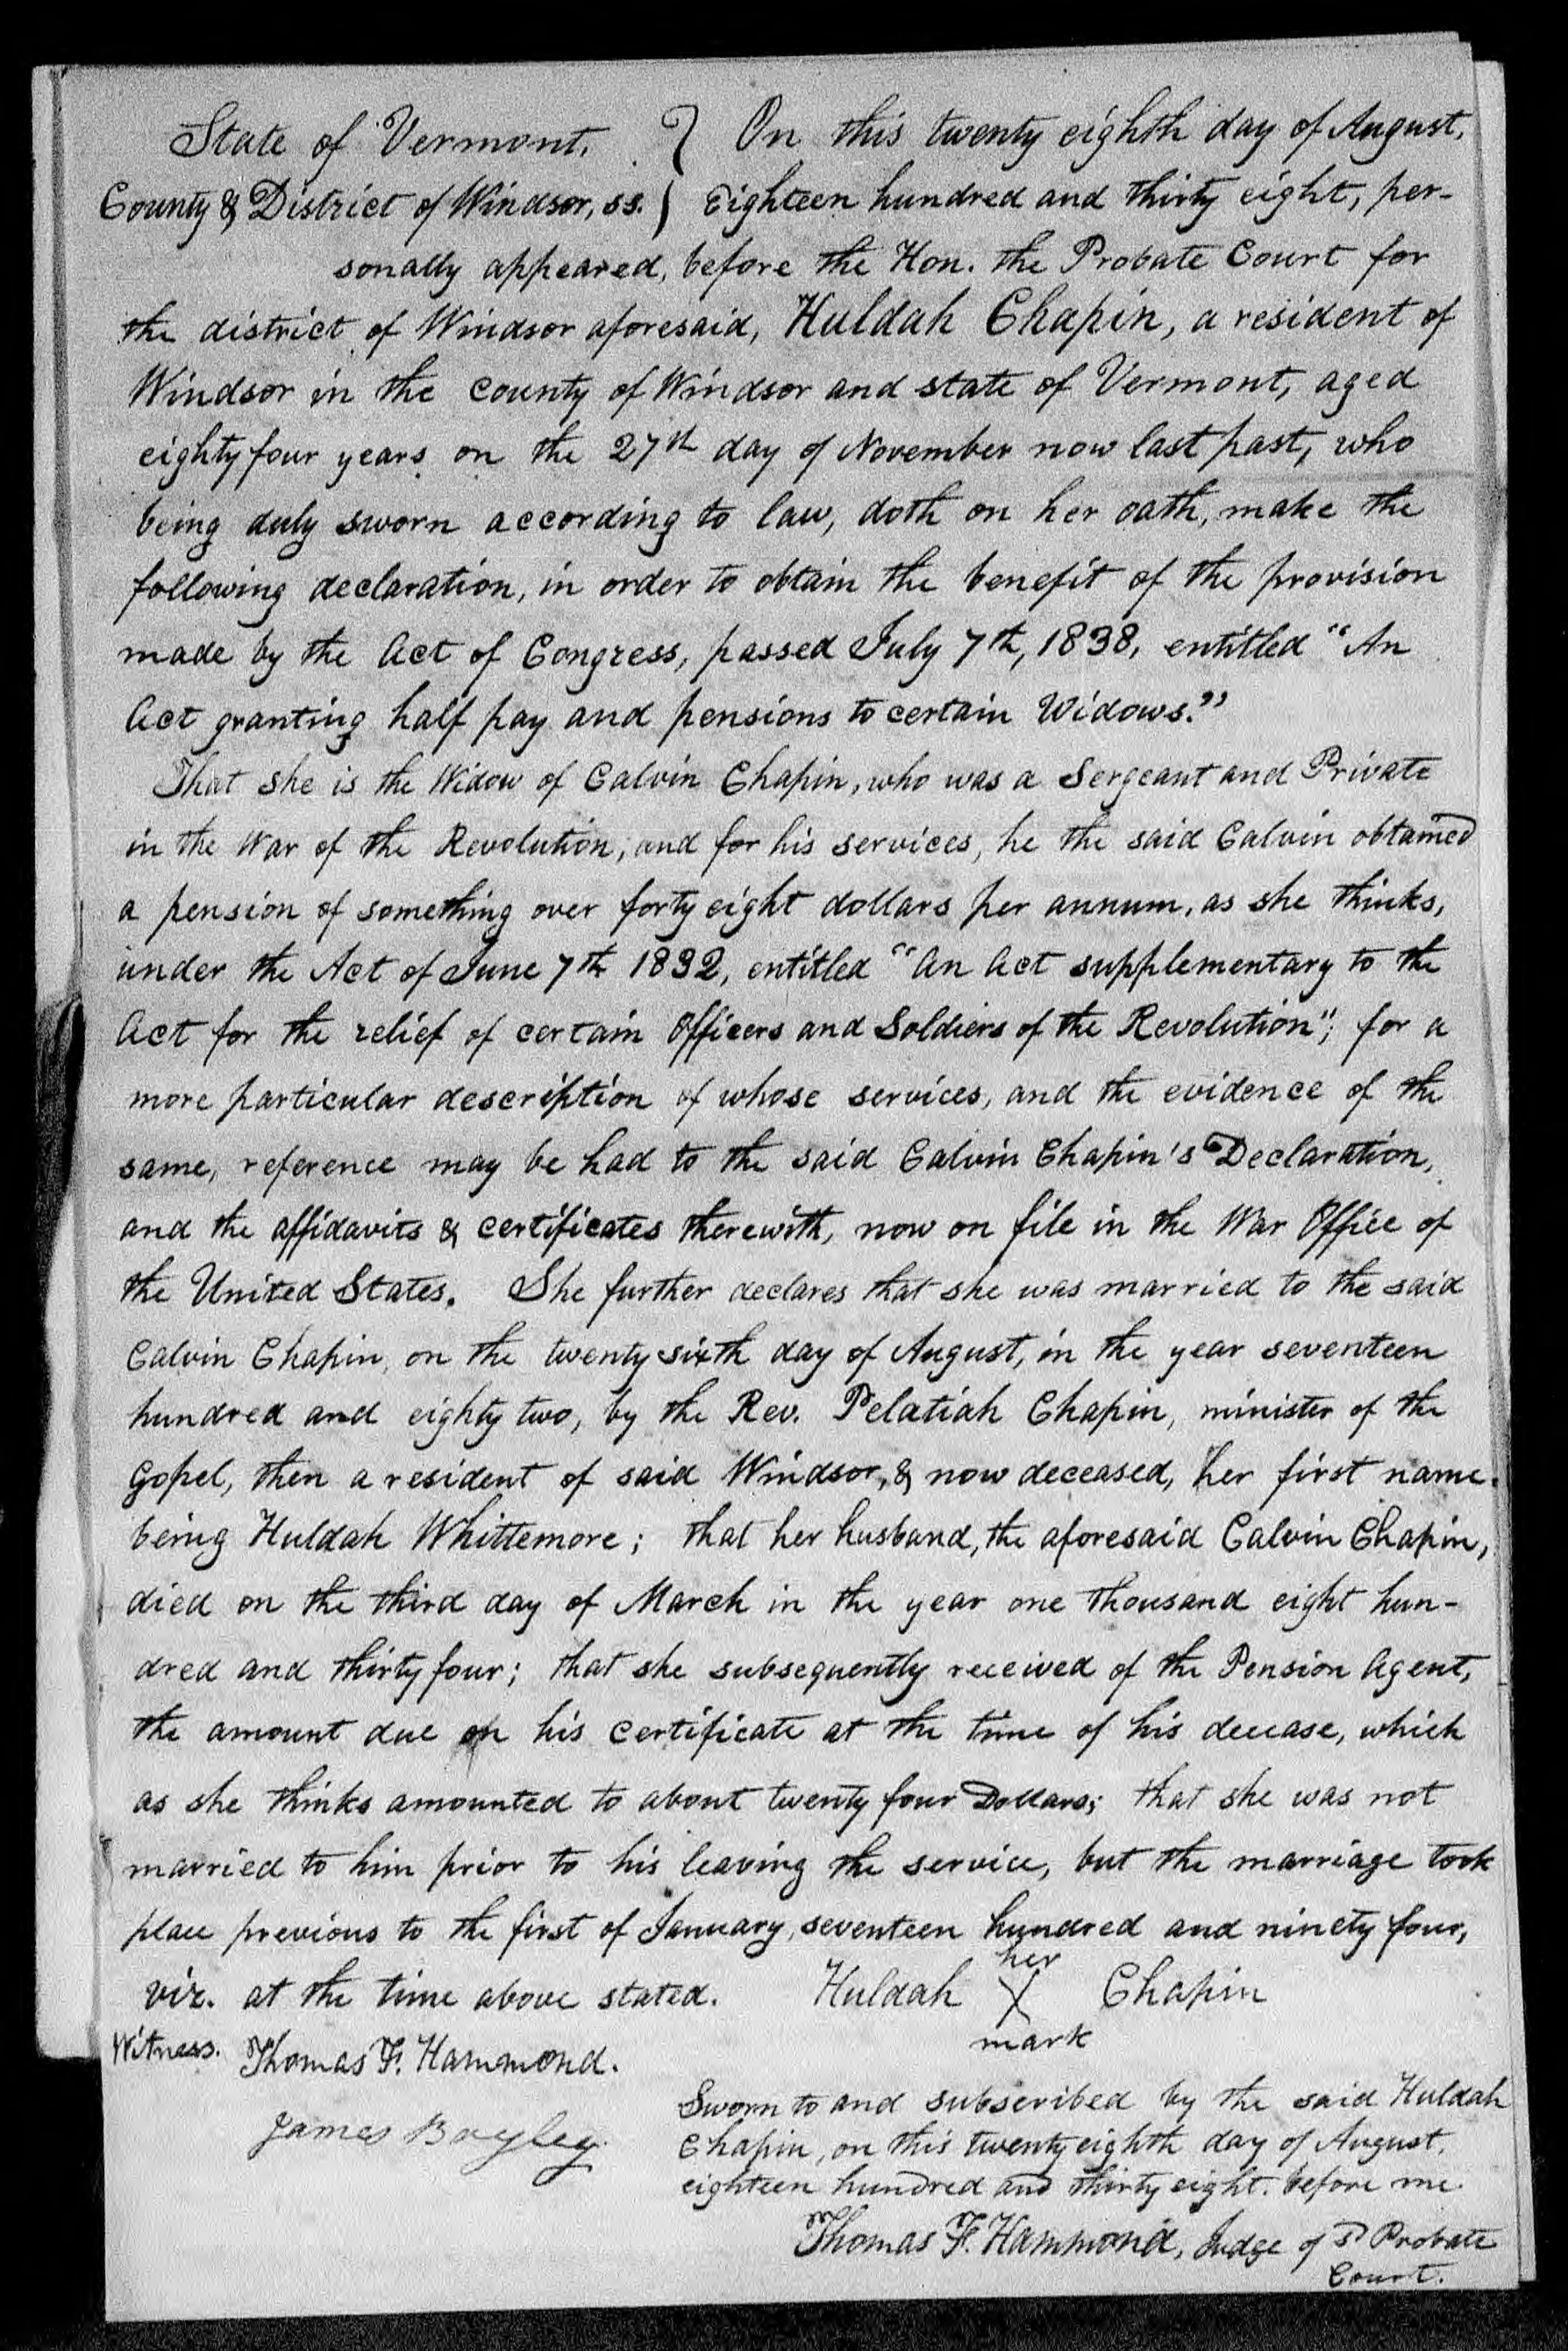State of Vermont                            [bracket] 
County & District of Windsor, SS   [bracket] 

On this twenty eighth day of August, eighteen hundred and thirty eight, personally appeared before the Hon. the Probate Court for the district of Windsor aforesaid, Huldah Chapin, a resident of Windsor in the county of Windsor and State of Vermont, aged eighty four years on the 27th day of November now last past, who being duly sworn according to law, doth on her oath, make the following declaration, in order to obtain the benefit of the provision made by the Act of Congress, passed July 7th, 1838, entitled "An Act granting half pay and pensions to certain Widows."
That she is the widow of Calvin Chapin, who was a Sergeant and Private in the War of the Revolution, and for his services, he the said Calvin obtained a pension of something over forty eight dollars per annum, as she thinks, under the Act of June 7th 1832, entitled "An Act supplementary to the Act for the relief of certain officers and Soldiers of the Revolution", for a more particular description of whose services, and the evidence of the same, reference may be had to the said Calvin Chapin's Declaration, and the affidavits & certificates therewith, now on file in the War Office of the United States.  She further declares that she was married to the said Calvin Chapin on the twenty sixth day of August, in the year seventeen hundred and eighty two, by the Rev. Pelatiah Chapin, minister of the Gosel, then a resident of said Windsor, & now deceased, her first name, being Huldah Whittemore; that her husband, the aforesaid Calvin Chapin, died on the third day of March in the year one thousand eight hundred and thirty four; that she subsequently received of the Pension Agent, the amount due on his certificate at the time of his decease, which as she thinks amounted to about twenty four Dollars, that she was not married to him prior to his leaving the service, but the marriage took place previous to the first of January seventeen hundred and ninety four, viz. at the time above stated.  Huldah her Chapin [signed with an x]
                                                                      mark
Witness.   Thomas F. Hammond.       
                 James Bayley                                      Sworn to and subscribed by the said Huldah Chapin, on this twenty eighth day of August, eighteen hundred and thirty eight before me
                  Thomas F. Hammond, Judge of sd Probate Court.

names: Huldah Chapin, Calvin, James Bayley, Huldah Chapin, Calvin Chapin, Huldah Chapin, Thomas F Hammond, Calvin Chapin, Calvin Chapin, Pelatiah Chapin, Thomas F Hammond, Huldah Whittemore, Calvin Chapin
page: 8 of 35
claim: widow's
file: W. 20,864, Calvin Chapin, Mass. Vt.